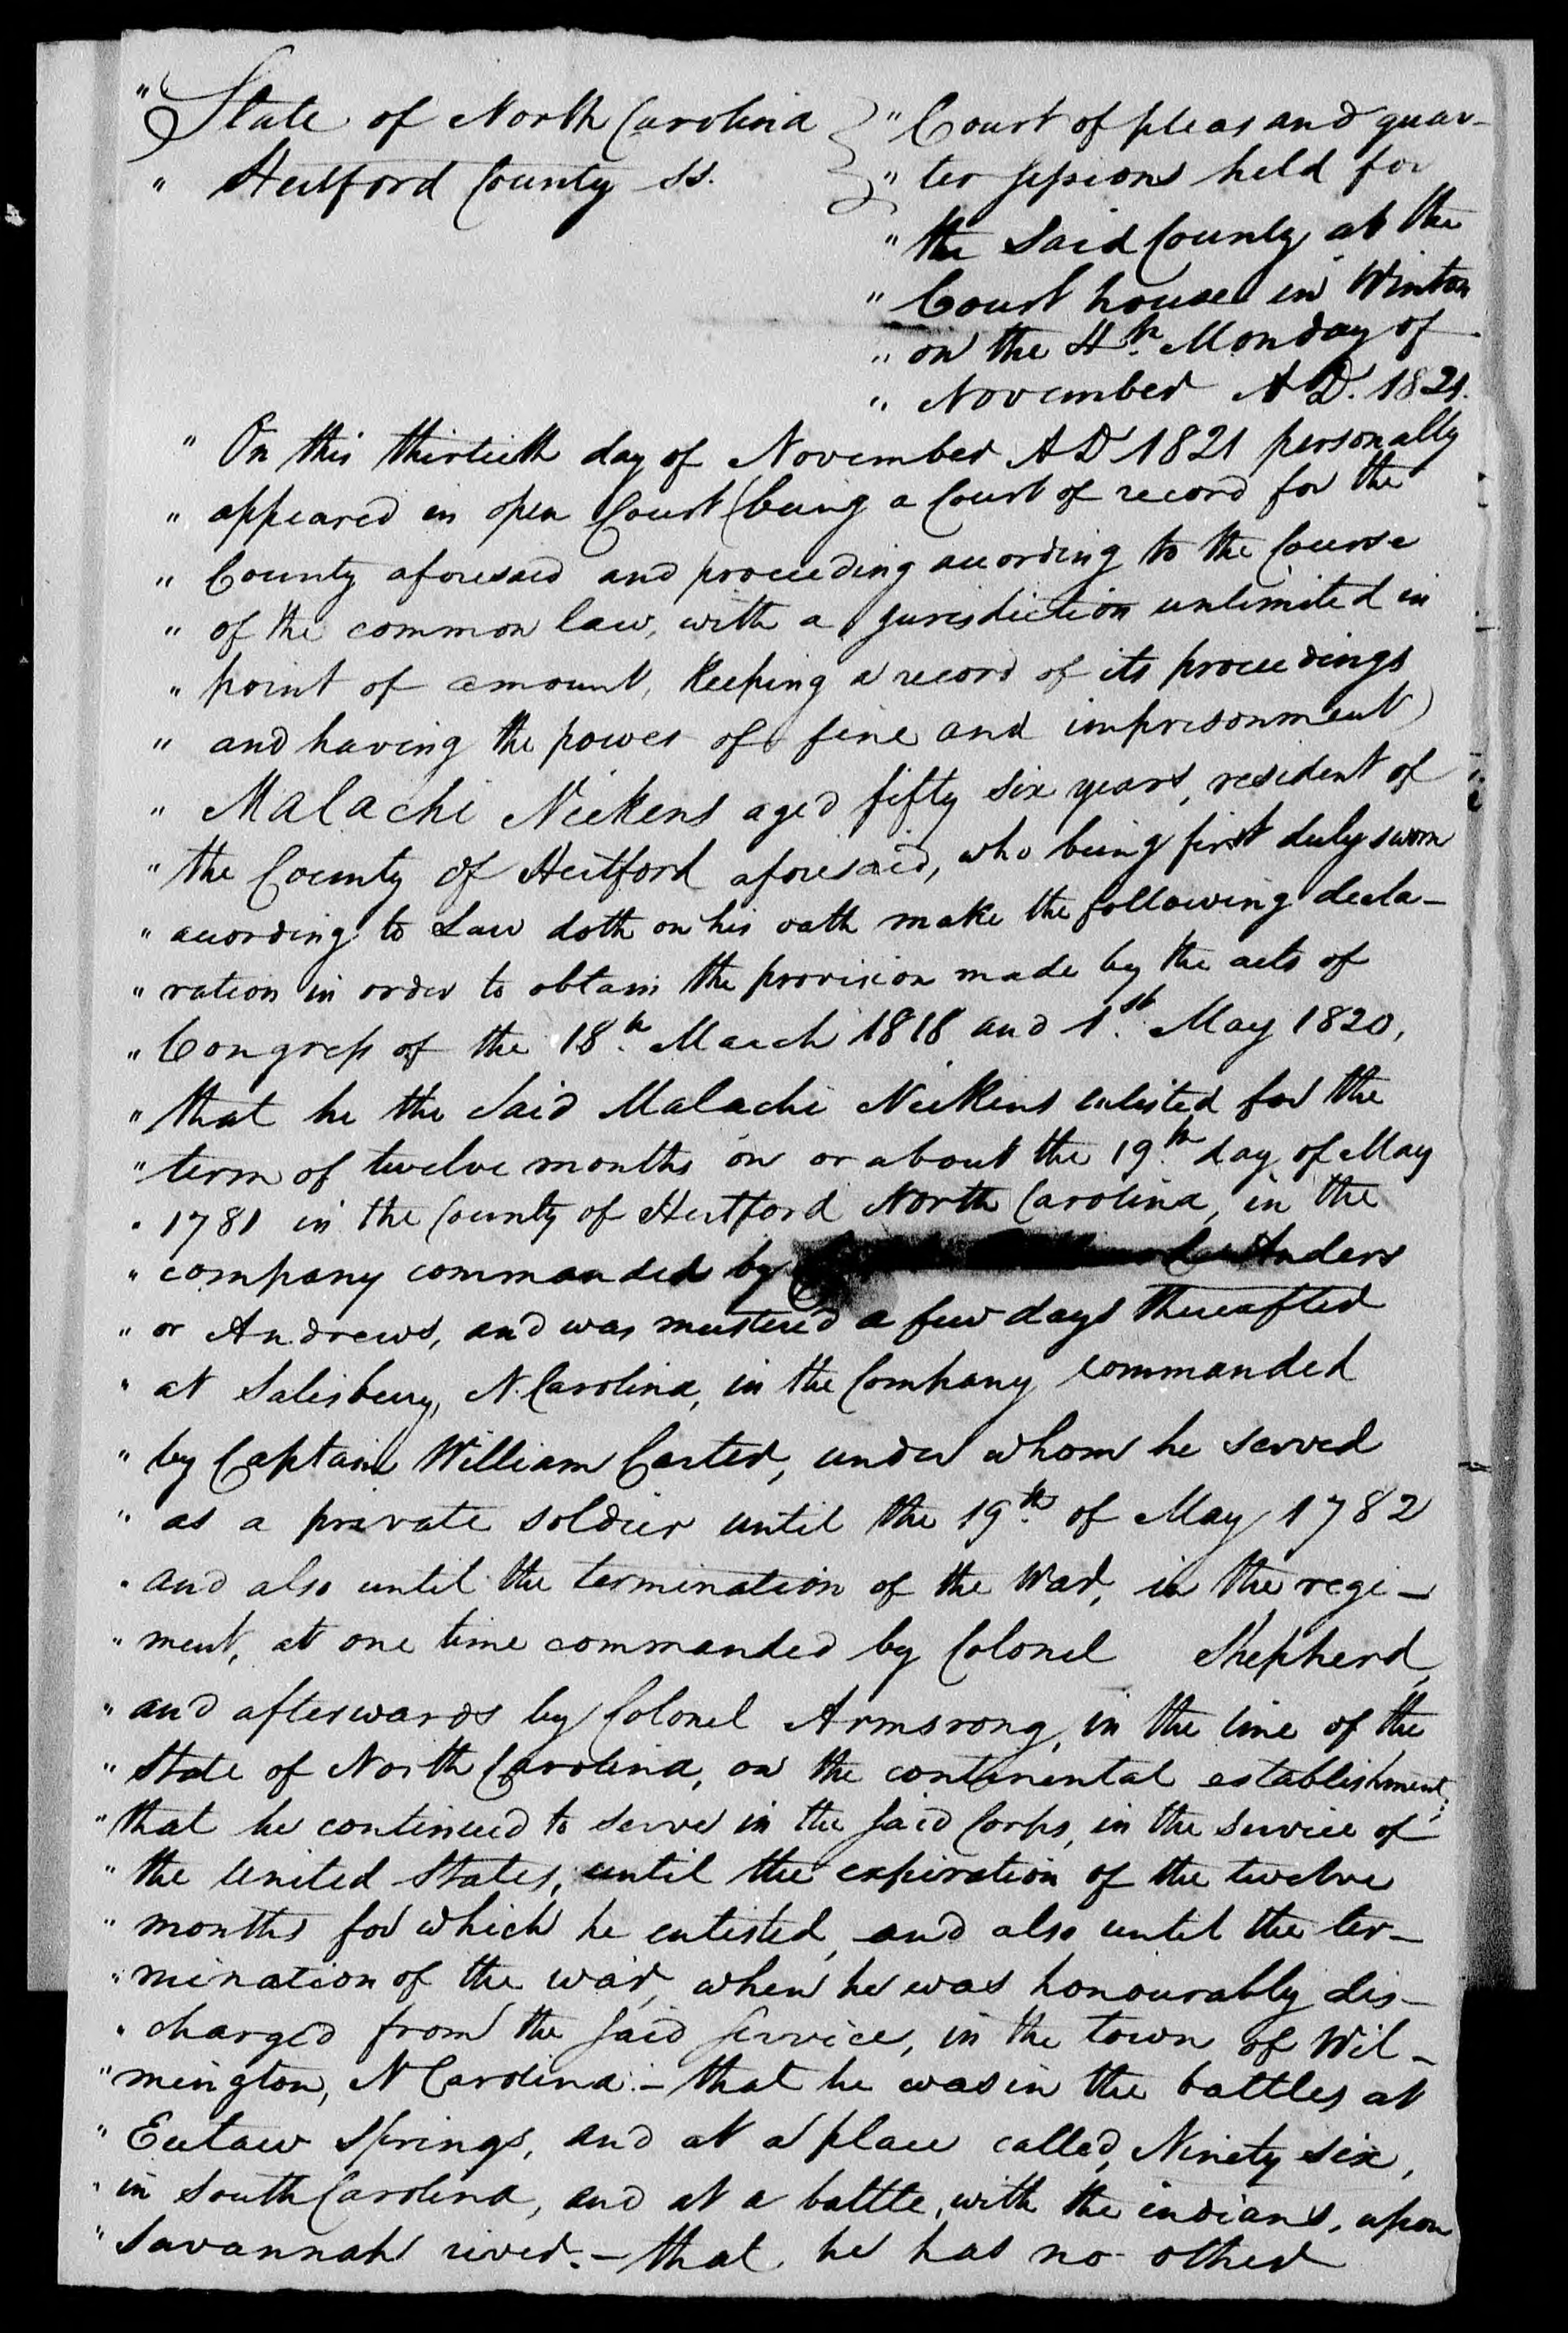State of North Carolina
Hertford County  Court of pleas and quarter
Sessions held for the said County at the Court house in Winton on the 4th Monday of November A.D. 1821.
On this thirtieth day of November AD 1821 personally
" appeared in open Court (being a Court of record for the
County aforesaid and proceeding according to the course
" of the common law with a jurisdiction unlimited in
" point of amount, keeping a record of its proceedings
" and having the power of fine and imprisonment
" Malachi Nickens aged fifty six years resident of the County of Hertford aforesaid, who being first duly summoned according to Law doth on his oath make the following declaration of Congress of the 18th March 1818, and 1st May 1820.
That he the said Malachi Nickens enlisted for the term of twelve months on or about the 19th day of May
1781 in the County of Hartford North Carolina in the
& company commanded by [illegible] or Andrews, and was mustered a few days thereafter at Salisbury, N. Carolina in the Company commanded by Captain William Carter, under whom he served as a private soldier until the 19th of May 1782 and also until the termination of the war, in the regiment at one time commanded by Colonel Shepherd and afterwards by Colonel Armstrong, in the line of the State of North Carolina, on the continental establishment - that he continued to serve in the said Corps, in the service of the United States until the expiration of the twelve months for which he enlisted and also until the termination of the war when he was honorably discharged from the said service, in the town of Wilmington, N Carolina - that he was in the battles at
Eutaw Springs, and at a place called, Ninety Six
in South Carolina, and at a battle, with the Indians, upon
Savannah river - that he has no other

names: [BLANK] Armsrong; William Carter; [BLANK] Shepherd; Malachi Nickers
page: 7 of 10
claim: survivor's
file: S. 41,925, for Malachi Nickens, North Carolina